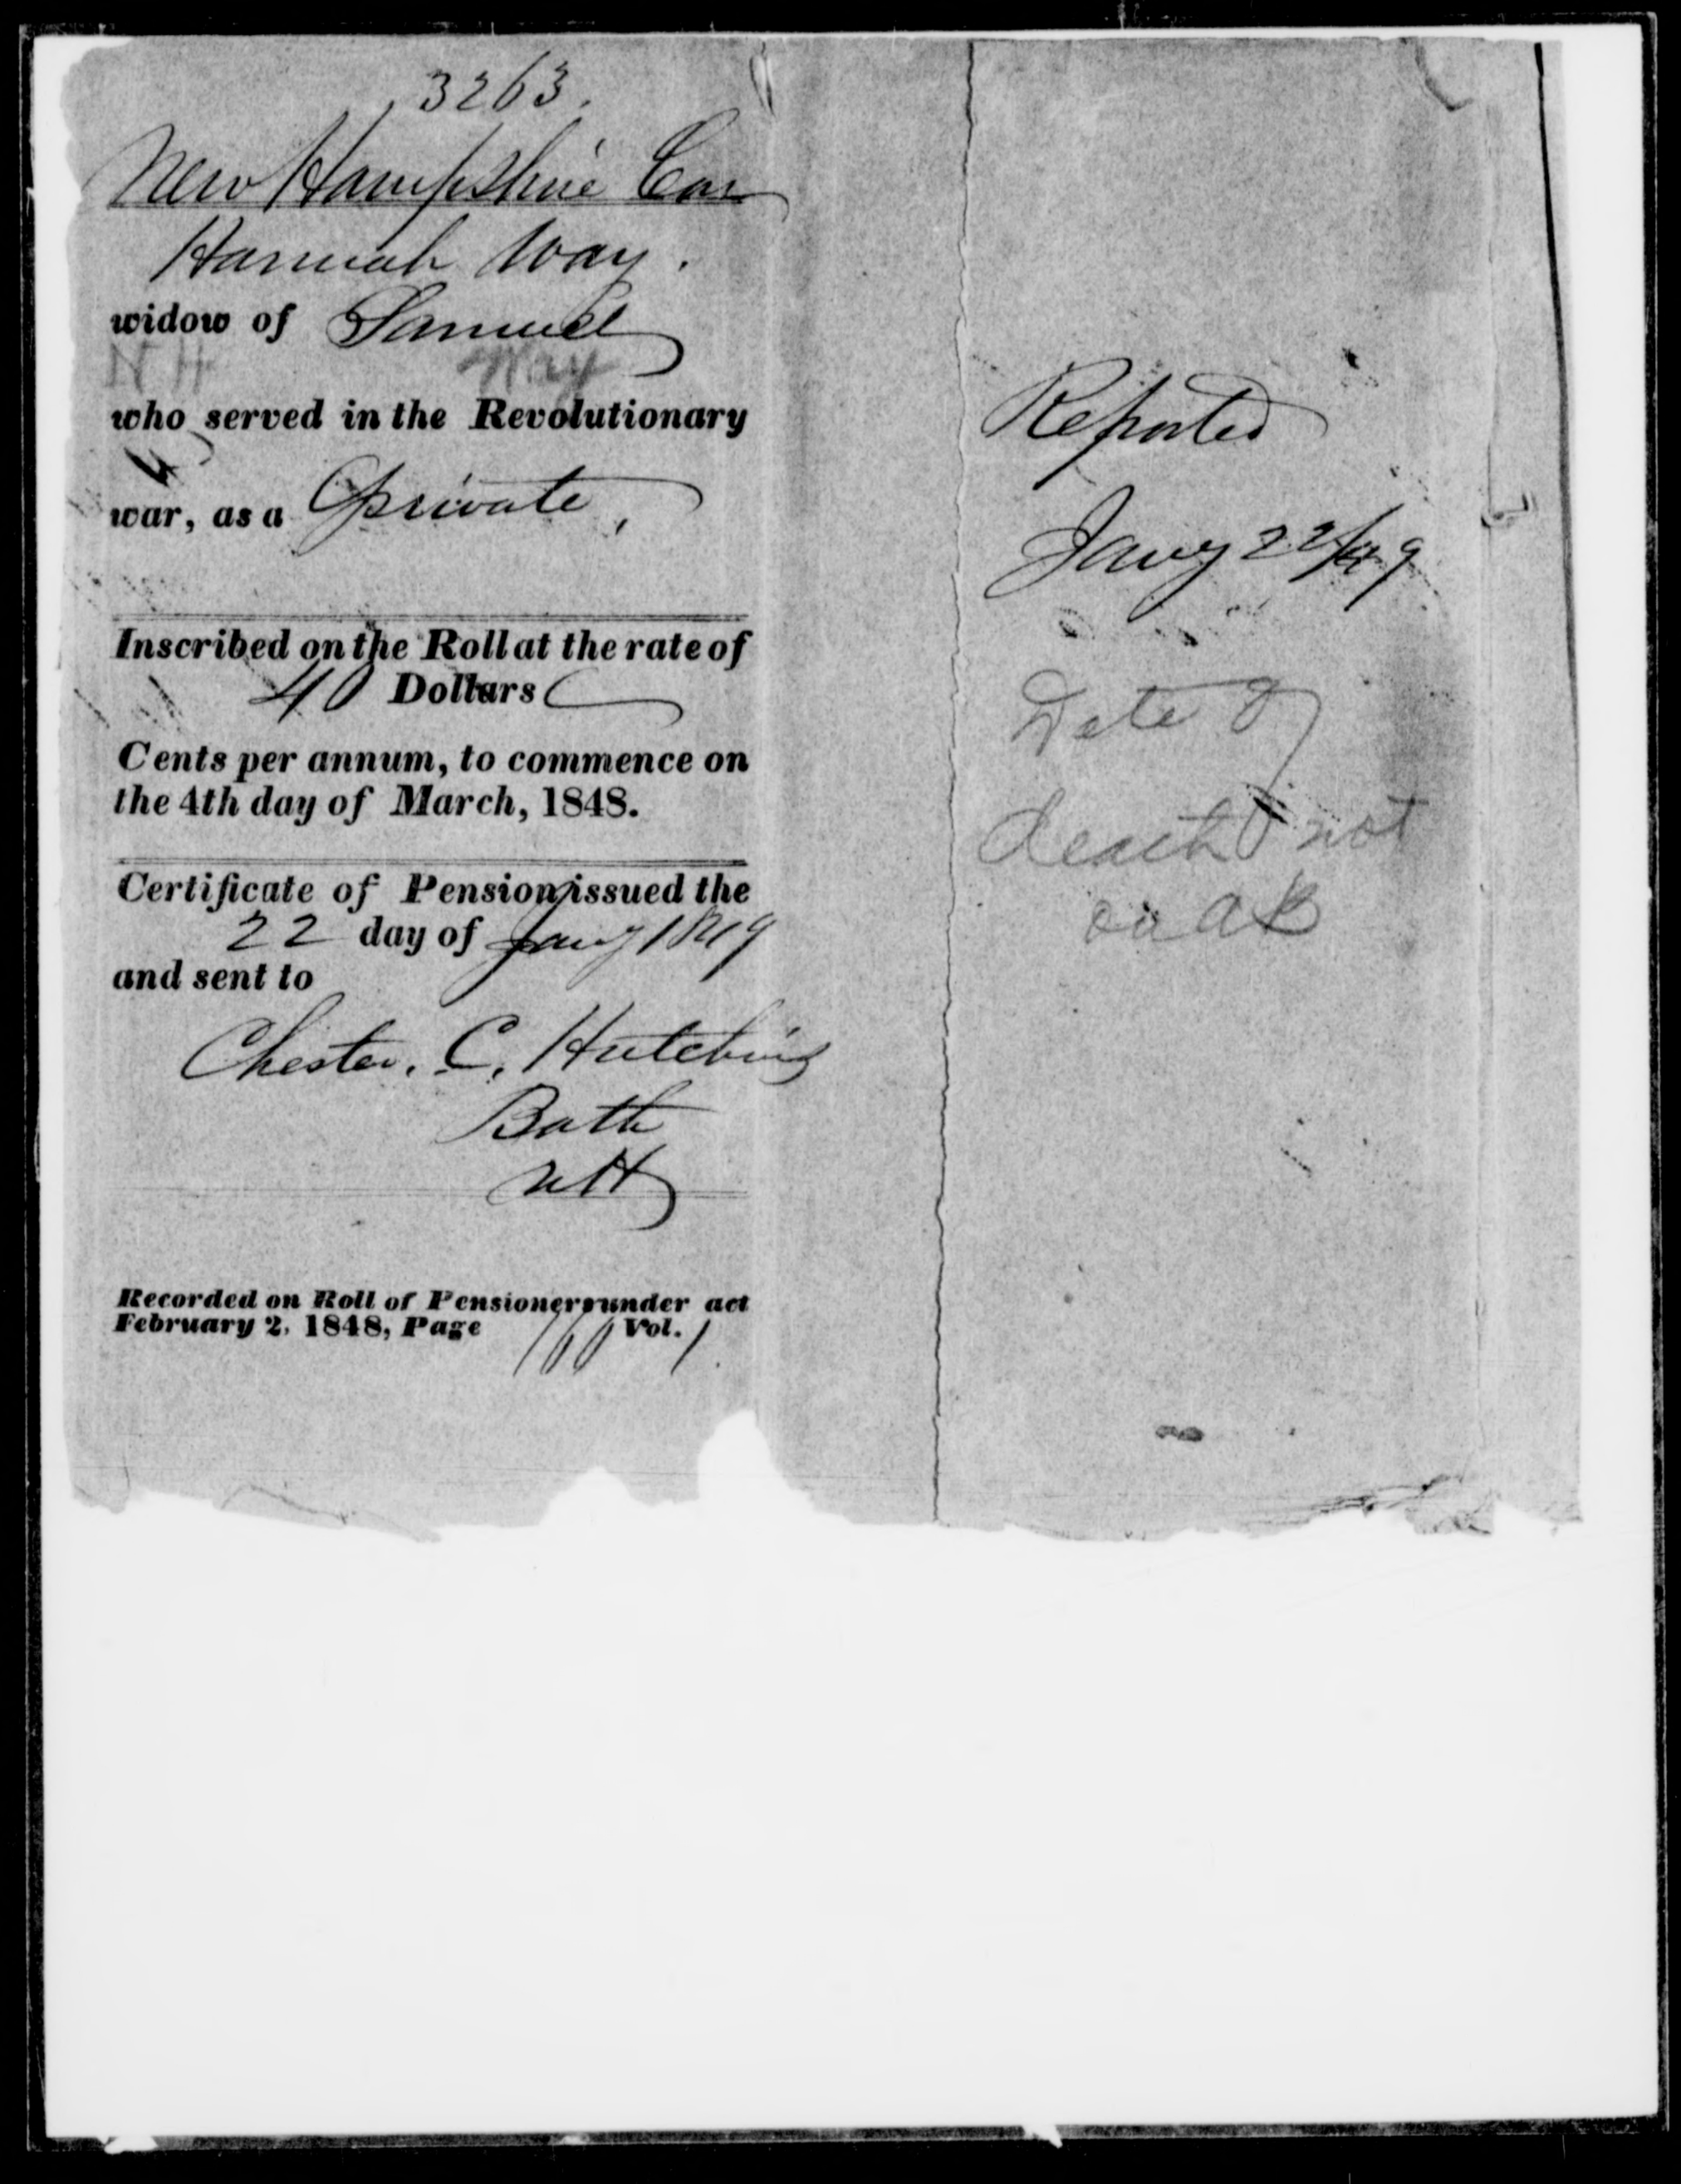3263
New Hampshire Co.
Hannah Way
widow of Samuel
who served in the Revolutionary was
, as a private
Inscribed on the Roll at the rate of 
40 Dollars
Cents per annum, to commence on
the 4th day of March, 1848.
Certificate of Pension issued the
22 day of Jany 1849
and sent to
Chester C. Hutchins
Bath
NH
Recorded on Roll of Pensioners under act
February 2, 1848, Page 160 Vol. 1
Reported
Jany 22/49
Date of 
death not [unintelligible]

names: Chester C Hutchins, Hannah Way, Samuel Way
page: 2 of 78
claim: widow's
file: W. 25856, Samuel Way, N.H.